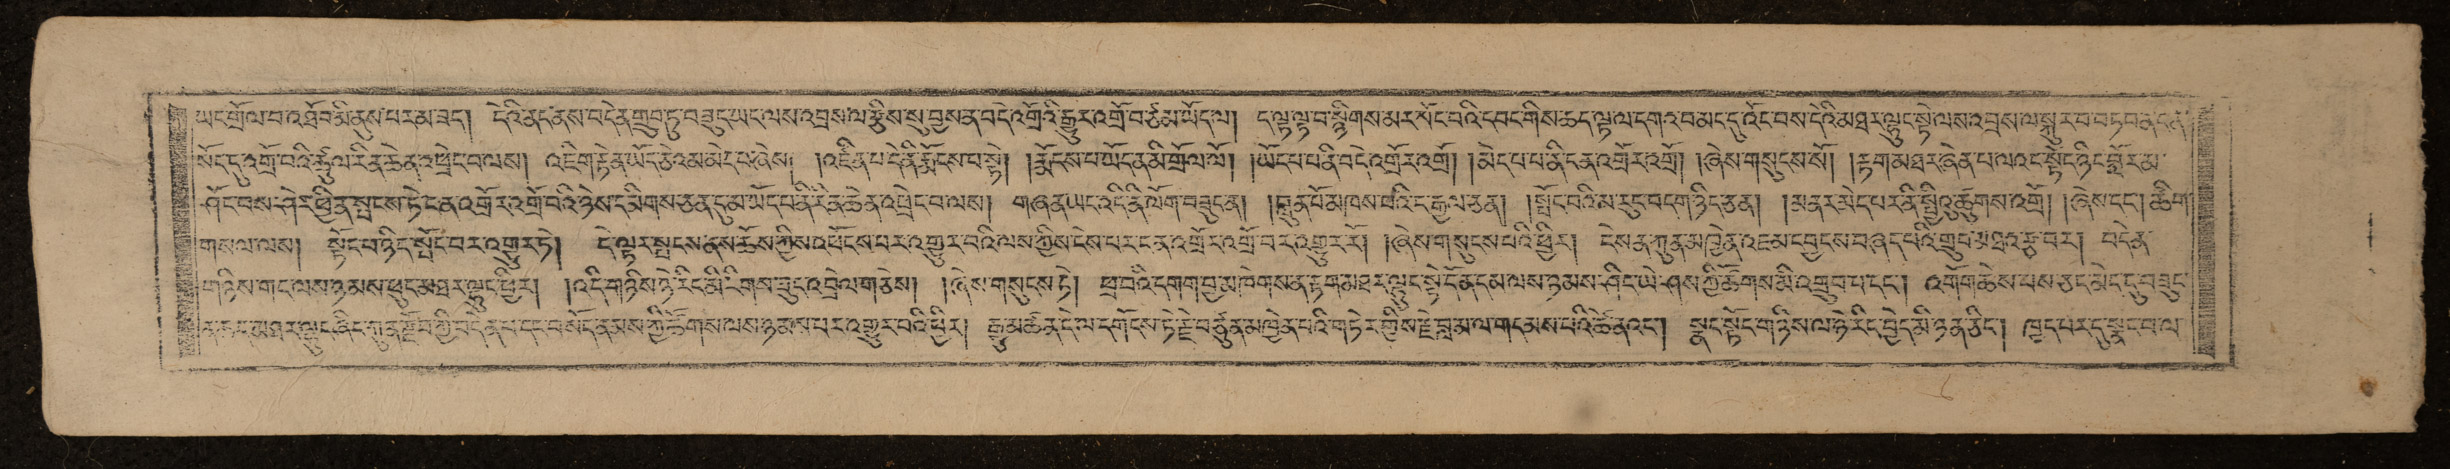ཡང་གྲོལ་བ་འཐོབ་མི་ནུས་བར་མྯད། དེའི་ནང་ནས་བདེན་གྲུབ་ཏུ་བཟུང་ཡང་ལས་འབྲས་ལ་རྩིས་སུ་བྱས་ན་བདེ་འགྲོའི་རྒྱུར་འགྲོ་བཙམ་ཡོད་ལ། ད་ལྟ་ལྟ་བ་སྙིགས་མར་སོང་བའི་དབང་གིས་ཆད་ལྟ་ལ་དགའ་བ་མང་དུ་འོང་བས་དེའི་མཐར་ལྷུང་སྟེ་ལས་འབྲས་ལ་སྐུར་པ་བཏབ་ན་ངན་
སོང་དུ་འགྲོ་བའི་ཚུལ་རིན་ཆེན་འཕྲེང་བ་ལས། འཇིག་རྟེན་ཡོད་ཅེའམ་མེད་པ་ཞེས། །འཛིན་པ་དེ་ནི་རྨོངས་པ་སྟེ། །རྨོངས་པ་ཡོད་ན་མི་གྲོལ་ལོ། །ཡོད་པ་པ་ནི་བདེ་འགྲོར་འགྲོ། །མེད་པ་པ་ནི་ངན་འགྲོར་འགྲོ། །ཞེས་གསུངས་སོ། །རྟག་མཐར་ཞེན་པ་ལའང་སྟོང་ཉིད་བློར་མ་
ཤོང་བས་ཤེར་ཕྱིན་སྤངས་ཏེ་ངན་འགྲོར་འགྲོ་བའི་ཉེས་དམིགས་ཅན་དུ་མ་ཡོད་བ་ནི་རིན་ཆེན་འཕྲེང་བ་ལས། གཞན་ཡང་འདི་ནི་ལོག་བཟུང་ན། །བླུན་པོ་མཁས་པའི་ང་རྒྱལ་ཅན། །སྤོང་བའི་མ་རུང་བདག་ཉིད་ཅན། །མནར་མེད་བ་ནི་སྐྱེའུ་ཚུགས་འགྲོ། །ཞེས་དང་། ཚིག་
གསལ་ལས། སྟོང་པ་ཉིད་སྤོང་བར་འགྱུར་ཏེ། དེ་ལྟར་སྤངས་ནས་ཆོས་ཀྱིས་འཕོངས་པར་འགྱུར་བའི་ལས་ཀྱིས་ངེས་པར་ངན་འགྲོར་འགྲོ་བར་འགྱུར་རོ། །ཞེས་གསུངས་པའི་ཕྱིར། དེས་ན་ཀུན་མཁྱེན་འཇམ་དབྱངས་བཞད་བའི་གྲུབ་མཐའ་རྩ་བར། བདེན་
གཉིས་གང་ལས་ཉམས་ཕུང་མཐར་ལྷུང་ཕྱིར། །འདི་གཉིས་ཉེ་རིང་མི་རིགས་ཟུང་འབྲེལ་གཅེས། །ཞེས་གསུངས་ཏེ། ཕྲ་བའི་དགག་བྱ་མ་ཁེགས་ན་རྟག་མཐར་ལྷུང་སྟེ་དོན་དམ་ལས་ཉམས་ཤིང་ཡེ་ཤེས་ཀྱི་ཚོགས་མི་འགྲུབ་པ་དང་། འགོག་ཆེས་པས་ཅད་མེད་དུ་བཟུང་
འཆད་མཐར་ལྷུང་ཤིང་ཀུན་རྫོབ་ཀྱི་བདེན་བ་དང་བསོད་ནམས་ཀྱི་ཚོགས་ལས་ཉམས་པར་འགྱུར་བའི་ཕྱིར། རྒྱུ་མཚན་དེ་ལ་དགོངས་ཏེ་རྗེ་བཙུན་མཁྱེན་པའི་གཏེར་གྱིས་རྗེ་བླ་མ་ལ་གདམས་བའི་ཚེ ༣ནའང་། སྣང་སྟོང་གཉིས་ལ་ཉེ་རིང་བྱེད་མི་ཉན་ཅིང་། ཁྱད་པར་དུ་སྣང་བ་ལ་